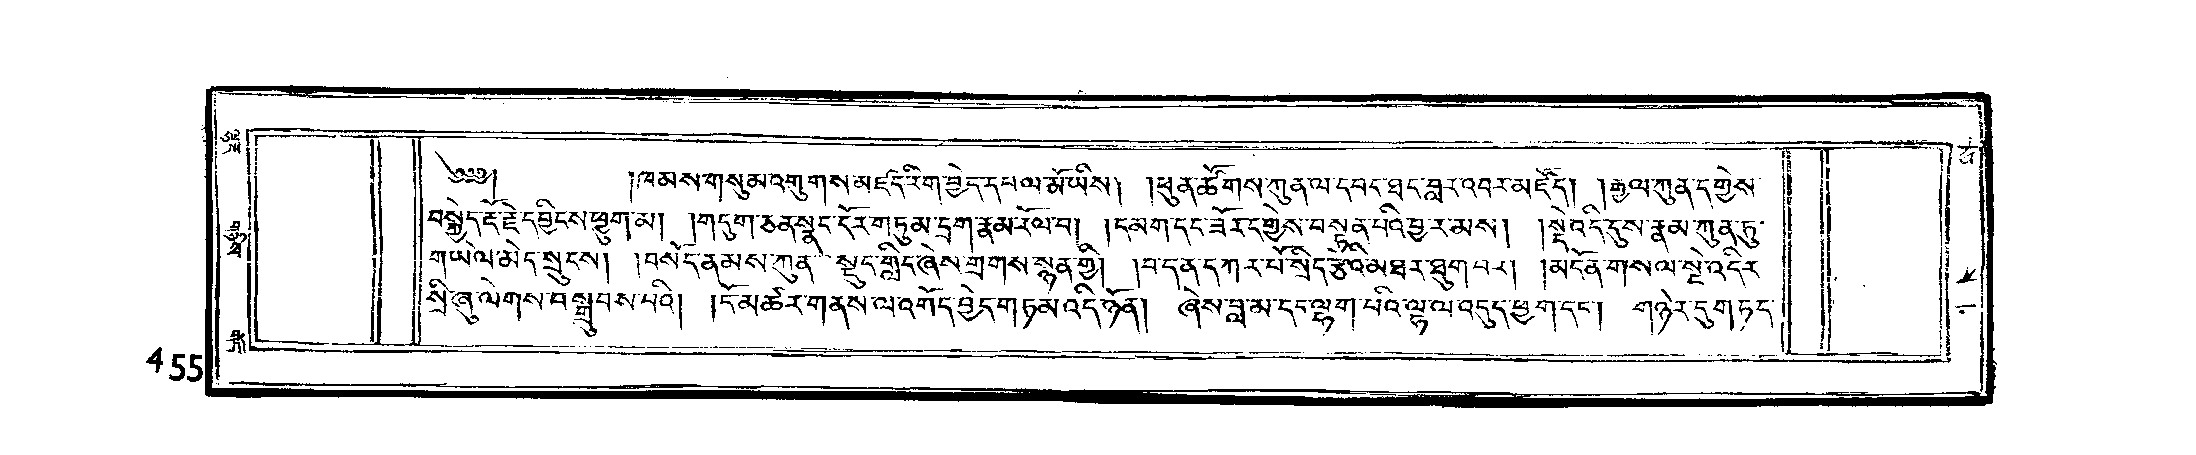༄༅། །ཁམས་གསུམ་འགུགས་མཛད་རིག་བྱེད་དཔལ་མོ་ཡིས། །ཕུན་ཚོགས་ཀུན་ལ་དབང་ཐང་བླར་འབར་མཛོད། །རྒྱལ་ཀུན་དགྱེས་
བསྐྱེད་རྡོ་རྗེ་དབྱིངས་ཕྱུག་མ། །གདུག་ཅན་སྣང་ངོར་གཏུམ་དྲག་རྣམ་རོལ་བ། །དམག་དང་ཟོར་དགྱེས་བསྟན་པའི་བྱ་ར་མས། །སྡེ་འདི་དུས་རྣམ་ཀུན་ཏུ་
གཡེལ་མེད་སྲུངས། །བསོད་ནམས་ཀུན་སྡུད་གླིང་ཞེས་གྲགས་སྙན་གྱི། །བ་དན་དཀར་པོ་སྲིད་རྩེའི་མཐར་ཐུག་བར། །མངོན་གསལ་སྡེ་འདིར་
སྲི་ཞུ་ལེགས་བསྒྲུབས་པའི། །ངོ་མཚར་གནས་ལ་འགོད་བྱེད་གཏམ་འདི་ཉོན། ཞེས་བླ་མ་དང་ལྷག་པའི་ལྷ་ལ་འདུད་ཕྱག་དང་། གཉེར་དུ་གཏད་